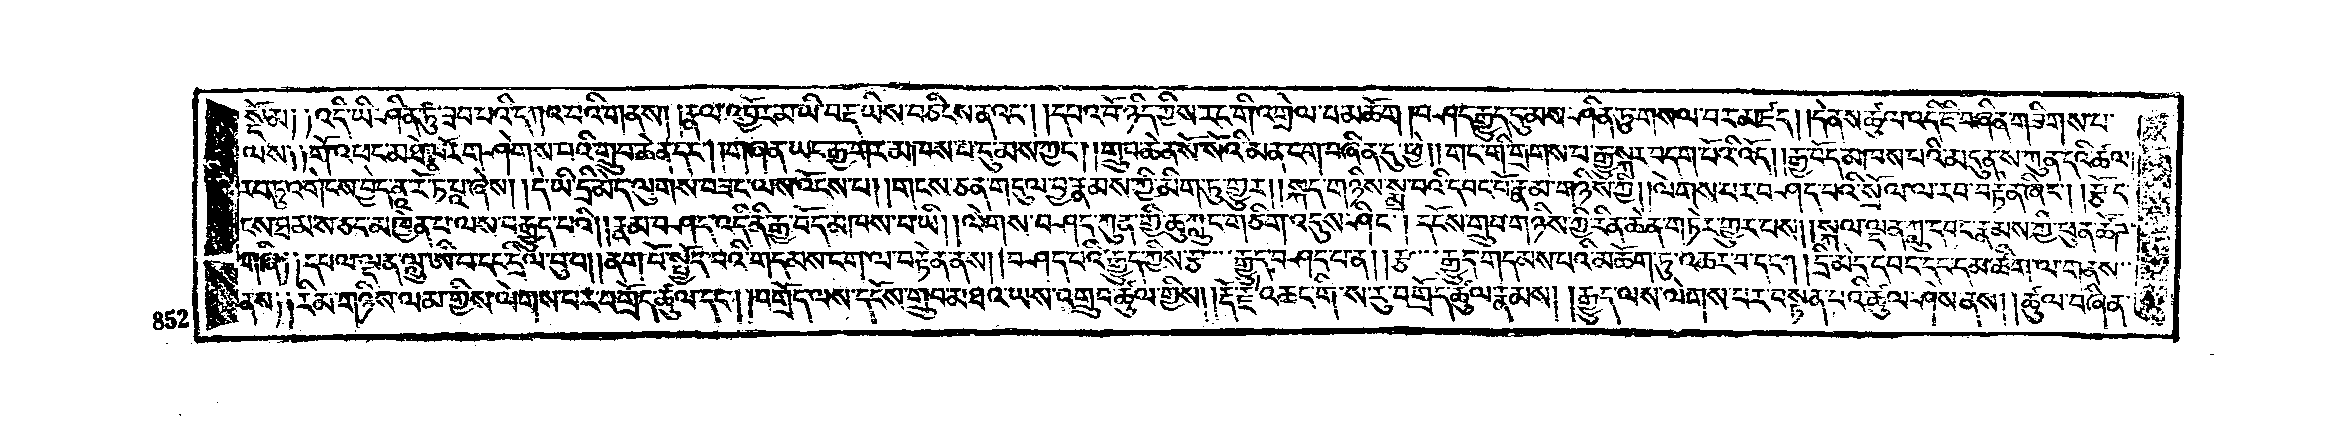སྡོམ། །འདི་ཡི་ཤིན་ཏུ་ཟབ་པའི་དཀའ་བའི་གནས། །རྣལ་འབྱོར་མ་ཡི་བརྡ་ཡིས་བཅིངས་ནའང་། །དཔའ་བོ་ཉིད་ཀྱིས་རང་གི་འགྲེལ་པ་མཆོག །བཤད་རྒྱུད་དུ་མས་ཤིན་ཏུ་གསལ་བར་མཛད། །དེ་ནས་ཚུལ་འདི་ཇི་བཞིན་གཟིགས་པ་
ལས། །གོ་འཕང་མཐོན་པོར་གཤེགས་པའི་གྲུབ་ཆེན་དང་། །གཞན་ཡང་རྒྱ་གར་མཁས་པ་དུ་མས་ཀྱང་། །གྲུབ་ཆེན་སོ་སོའི་མན་ངག་བཞིན་དུ་ཕྱེ། །གང་གི་གྲགས་པ་རྒྱུ་སྐར་བདག་པོའི་འོད། །རྒྱ་བོད་མཁས་པའི་མདུན་ས་ཀུན་དའི་ཚལ།
རབ་ཏུ་འགེངས་བྱེད་ནཱ་རོ་ཏ་པཱ་ཞེས། །དེ་ཡི་དྲི་མེད་ལུགས་བཟང་ལས་འོངས་པ། །གངས་ཅན་གདུལ་བྱ་རྣམས་ཀྱི་མིག་ཏུ་གྱུར། །སྐད་གཉིས་སྨྲ་བའི་དབང་པོ་རྣམ་གཉིས་ཀྱི། །ལེགས་པར་བཤད་པའི་སྲོལ་ལ་རབ་བརྟེན་ཞིང་། །རྩོད་
ངས་ཐམས་ཅད་མཁྱེན་པ་ལས་བརྒྱུད་པའི། །རྣམ་བཤད་འདི་ནི་རྒྱ་བོད་མཁས་པ་ཡི། །ལེགས་བཤད་ཀུན་གྱི་ཆུ་ཀླུང་གཅིག་འདུས་ཤིང་། དངོས་གྲུབ་གཉིས་ཀྱི་རིན་ཆེན་གཏེར་གྱུར་པས། །སྐལ་ལྡན་ཀླུ་དབང་རྣམས་ཀྱི་ཕུན་ཚོགས་
གཞི། །དཔལ་ལྡན་ལཱུ་ཨི་པ་དང་དྲིལ་བུ་པ། །ནག་པོ་སྤྱོད་པའི་གདམས་ངག་ལ་བརྟེན་ནས། །བཤད་པའི་རྒྱུད་ཀྱིས་རྩ་རྒྱུད་བཤད་པ་ན། །རྩ་རྒྱུད་གདམས་པའི་མཆོག་ཏུ་འཆར་བ་དང་། །དྲི་མེད་དབང་དང་དམ་ཚིག་ལ་གནས་
ནས། །རིམ་གཉིས་ལམ་གྱིས་ལེགས་པར་བགྲོད་ཚུལ་དང་། །བགྲོད་ལས་དངོས་གྲུབ་མཐའ་ཡས་འགྲུབ་ཚུལ་གྱིས། །རྡོ་རྗེ་འཆང་གི་ས་རུ་བགྲོད་ཚུལ་རྣམས། །རྒྱུད་ལས་ལེགས་པར་བསྟན་པའི་ཚུལ་ཤེས་ནས། །ཚུལ་བཞིན་